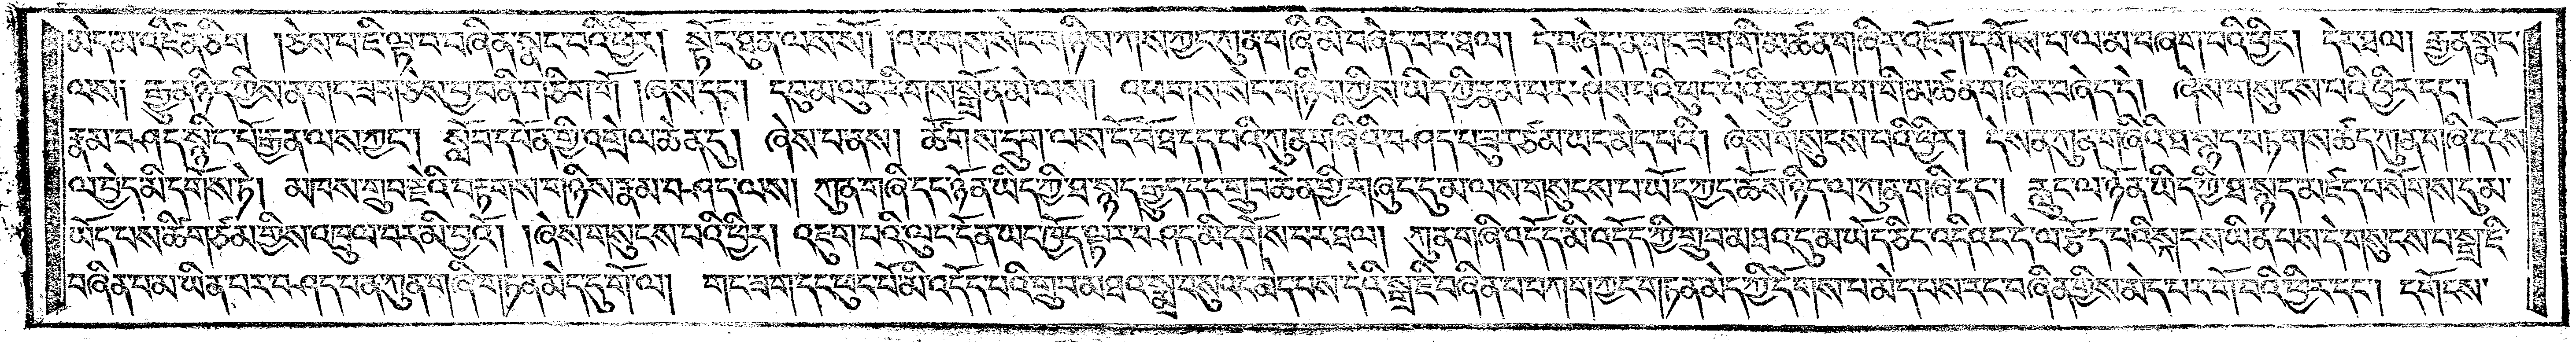མེད་མ་འཛིན་ཅིག །ཅེས་པ་ཇི་ལྟ་བ་བཞིན་སྣང་བའི་ཕྱིར། སྟོང་ཐུན་ལས་སོ། །འཕགས་སེང་གཉིས་ཀས་ཀྱང་ཀུན་གཞི་མི་བཞེད་པར་ཐལ། དེ་བཞེད་ན་གང་ཟག་གི་མཚན་གཞིར་འཇོག་དགོས་པ་ལ་མ་བཞག་པའི་ཕྱིར། དེར་ཐལ། རྒྱན་སྣང་
ལས༑ རྒྱུན་ཉིད་ཀྱིས་ན་གང་ཟག་ཅེས་བྱ་བ་ནི་གཅིག་གོ །ཞེས་དང་། དབུ་མ་ལུང་རིགས་སྒྲོན་མེ་ལས། འཕགས་སེང་གཉིས་ཀྱིས་ཡིད་ཀྱི་རྣམ་པར་ཤེས་པའི་ཕུང་པོའི་རྒྱུན་བདག་གི་མཚན་གཞིར་བཞེད་དེ། ཞེས་གསུངས་པའི་ཕྱིར་དང་།
རྣམ་བཤད་སྙིང་པོ་རྒྱན་ལས་ཀྱང་། སློབ་དཔོན་གྱི་འགྲེལ་ཆེན་དུ། ཞེས་པ་ནས། ཚོགས་དྲུག་ལས་ངོ་བོ་ཐ་དད་པའི་ཀུན་གཞིའི་བཤད་པ་ཟུར་ཙམ་ཡང་མེད་པའི། ཞེས་གསུངས་པའི་ཕྱིར། དེས་ན་ཀུན་གཞིའི་ཐ་སྙད་བཏགས་ཚད་ཀུན་གཞི་དངོས་
ལ་བྱེད་མི་དགོས་ཏེ། མཁས་གྲུབ་རྗེའི་བརྟགས་གཉིས་རྣམ་བཤད་ལས། །ཀུན་གཞི་དང་ཉོན་ཡིད་ཀྱི་ཐ་སྙད་རྒྱུད་དང་གྲུབ་ཆེན་གྱི་གཞུང་དུ་མ་ལས་གསུངས་པ་ཡོད་ཀྱང་ཆོས་ཉིད་ལ་ཀུན་གཞི་དང་། རླུང་ལ་ཉོན་ཡིད་ཀྱི་ཐ་སྙད་མཛད་པ་སོགས་དུ་མ་
ཡོད་?པས་ཚིག་ཙམ་གྱིས་འཁྲུལ་བར་མི་བྱའོ། །ཞེས་གསུངས་པའི་ཕྱིར། འཇུག་པའི་ལུང་དོན་ཡང་ཁྱོད་ལྟར་བཤད་མི་དགོས་པར་ཐལ། ཀུན་གཞི་འདོད་མི་འདོད་ཀྱི་གྲུབ་མཐའ་དུ་མ་ཡོད་ཅིང་འདིའང་དེ་ལ་རྩོད་པའི་སྐབས་ཡིན་པས་དེ་གསུངས་པ་སྒྲ་ཇི་
བཞིན་པ་མ་ཡིན་པར་བཤད་པ་ན་ཀུན་གཞི་གཏན་མེད་དུ་གོ་ལ། གང་ཟག་དང་ཕུང་པོ་མི་འདོད་པའི་གྲུབ་མཐའ་སྨྲ་བ་སུའང་མེད་པས་དེའི་སྒྲ་ཇི་བཞིན་པ་བཀག་ཀྱང་གཏན་མེད་ཀྱི་དོགས་པ་མེད་པས་རང་བཞིན་གྱིས་མེད་པར་གོ་བའི་ཕྱིར་དང་། དགོངས་